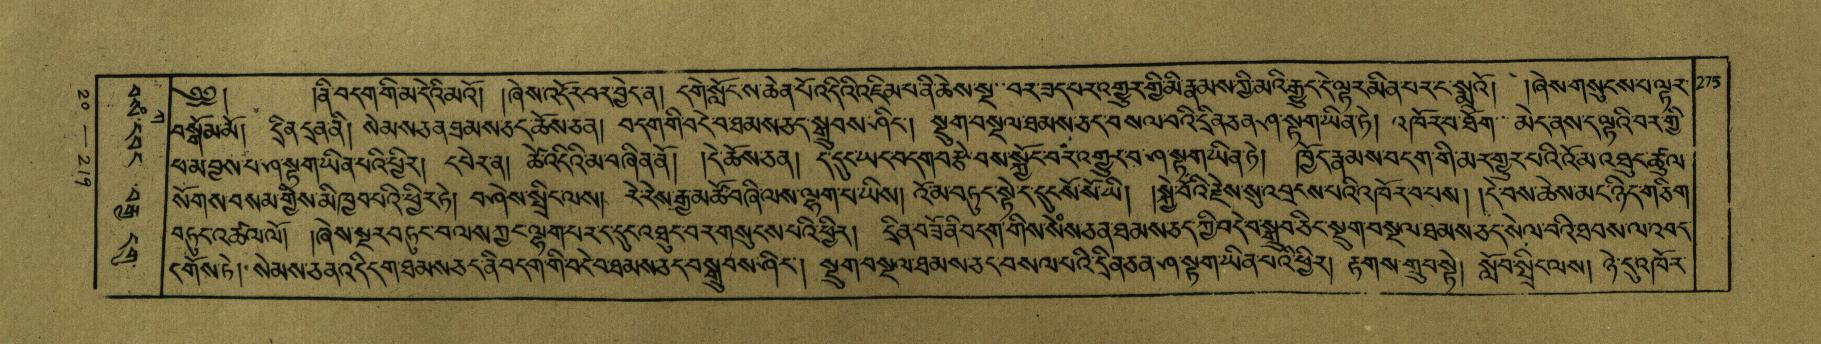༄༅། །ནི་བདག་གི་མ་དེའི་མའོ། །ཞེས་འདོར་བར་བྱེད་ན། དགེ་སློང་ས་ཆེན་པོ་འདིའི་འཇིམ་པ་ནི་ཆེས་སྔ་བར་ཟད་པར་འགྱུར་གྱི་མི་རྣམས་ཀྱི་མའི་རྒྱུད་དེ་ལྟར་མིན་པར་ང་སྨྲའོ། །ཞེས་གསུངས་པ་ལྟར་
བསྒོམ་མོ། དྲིན་དྲན་ནི། སེམས་ཅན་ཐམས་ཅད་ཆོས་ཅན། བདག་གི་བདེ་བ་ཐམས་ཅད་སྒྲུབས་ཤིང་། སྡུག་བསྔལ་ཐམས་ཅད་བསལ་བའི་དྲིན་ཅན་ཤ་སྟག་ཡིན་ཏེ། འཁོར་པ་ཐོག་མེད་ནས་ད་ལྟའི་བར་གྱི་
ཕ་མ་བྱས་པ་ཤ་སྟག་ཡིན་པའི་ཕྱིར། དཔེར་ན། ཚེ་འདིའི་མ་བཞིན་ནོ། །དེ་ཆོས་ཅན། ད་དུང་ཡང་བདག་བརྩེ་བས་སྐྱོང་བར་འགྱུར་བ་ཤ་སྟག་ཡིན་ཏེ། ཁྱོད་རྣམས་བདག་གི་མར་གྱུར་པའི་འོ་མ་འཐུང་ཚུལ་
སོགས་བསམ་གྱིས་མི་ཁྱབ་པའི་ཕྱིར་ཏེ། བཤེས་སྤྲིང་ལས། རེ་རེས་རྒྱ་མཚོ་བཞི་ལས་ལྷག་པ་ཡིས། འོ་མ་བཏུང་སྟེ་ད་དུང་སོ་སོ་ཡི། །སྐྱེ་བོའི་རྗེས་སུ་འབྲངས་པའི་འཁོར་བ་པས། །དེ་བས་ཆེས་མང་ཉིད་གཅིག་
བཏུང་འཚལ་ལོ། །ཞེས་སྔར་བཏུང་བ་ལས་ཀྱང་ལྷག་པར་ད་དུང་འཐུང་བར་གསུངས་པའི་ཕྱིར། དྲིན་བཟོ་ནི་བདག་གིས་སེཾས་ཅན་ཐམས་ཅད་ཀྱི་བདེ་བ་སྒྲུབ་ཅིང་སྡུག་བསྔལ་ཐམས་ཅད་སེལ་བའི་ཐབས་ལ་འབད་
དགོས་ཏེ། སེམས་ཅན་འདི་དག་ཐམས་ཅད་ནི་བདག་གི་བདེ་བ་ཐམས་ཅད་བསྒྲུབས་ཤིང་། སྡུག་བསྔལ་ཐམས་ཅད་བསལ་པའི་དྲིན་ཅན་ཤ་སྟག་ཡིན་པའི་ཕྱིར། རྟགས་གྲུབ་སྟེ། སློབ་སྤྲིང་ལས། ཉེ་དུ་འཁོར་